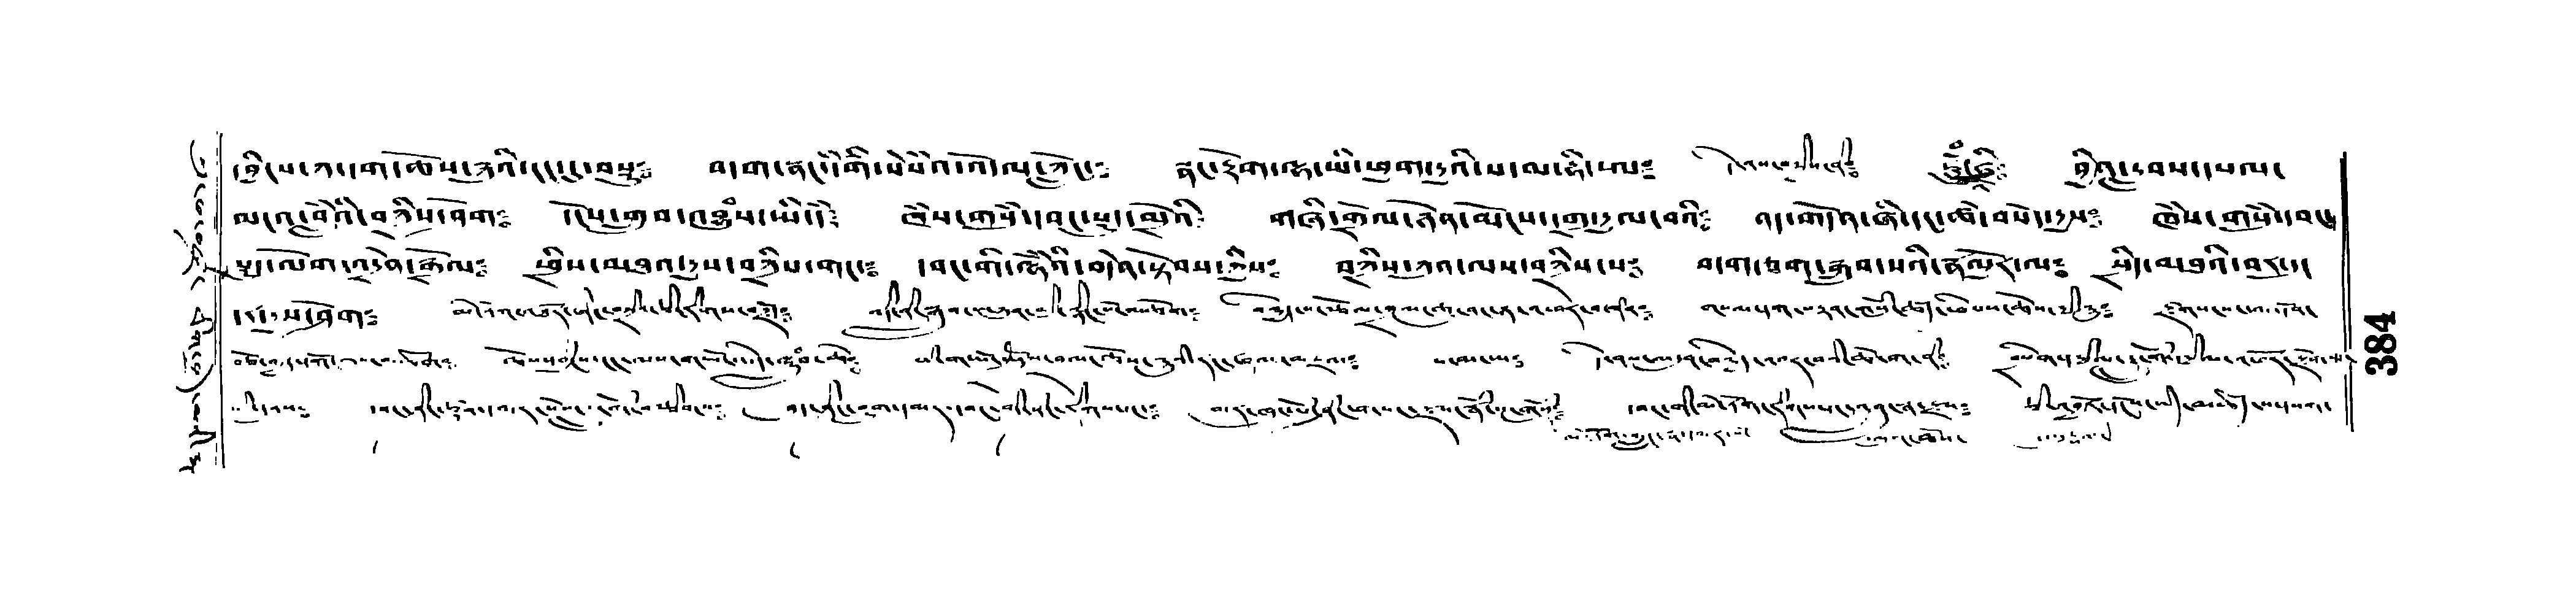དབྱིངས་ཀ་དག་ཆོས་སྐུའི་ངང་དུ་བསྡུ༔ བདག་སྣང་དམ་ཚིག་སེམས་དཔའ་འོད་གསལ་ཀློང༔ སྣང་རྟོག་ལྷ་ཡི་ཕྱག་རྒྱའི་ས་མ་དྷི་ཨཱཿ དེ་ནས་བཀྲ་ཤིས་ནི༔ ཧཱུྃ་ཧྲཱིཿ བྱིན་རླབས་དཔལ་
མངའ་བླ་མའི་བཀྲ་ཤིས་ཤོག༔ དངོས་གྲུབ་འབྱུང་གནས་ཡི་དམ༴ ཁམས་གསུམ་དབང་སྡུད་མཁའ་འགྲོའི༴ གཞི་གྲོལ་ཉོན་མོངས་དགྲ་རྒྱལ་བའི༔ ནད་གདོན་ཞི་དང་ཚེ་བསོད་རྒྱས༔ ཁམས་གསུམ་དབང་
སྡུད་ལོག་འདྲེན་སྒྲོལ༔ ཕྲིན་ལས་མཐའ་རྒྱས་བཀྲ་ཤིས་གང༔ དབང་གི་ལྷ་མོའི་བདེན་སྟོབས་ཀྱིས༔ བཀྲ་ཤིས་ཀུན་ལས་བཀྲ་ཤིས་པ༔ བདག་ཅག་སྒྲུབ་པའི་རྣལ་འབྱོར་ལ༔ སྲིད་མཐའི་བར་དུ་
དར་རྒྱས་ཤོག༔ མེ་ཏོག་འཐོར་ཞིང་བཀྲ་ཤིས་ཅི་རིགས་བརྗོད༔ འདི་ནི་སྒྲུབ་པ་ཀུན་གྱི་སྙིང་པོ་མཆོག༔ བསྐྱེད་པ་རྩོལ་བྲལ་ཆུ་ནང་ཉ་འཕར་བཞིན༔ གསལ་དག་བརྟན་གསུམ་ཚད་ཕེབས་ཆོས་ཀྱི་སྐུ༔ རྫོགས་པ་ཨ་དོན་
བཅོ་བརྒྱད་དགོངས་པ་མཆོག༔ ཆོས་དབྱིངས་ངང་ལས་གཡོ་མེད་ལྷུན་གྲུབ་ཆེ༔ མི་གཡོ་སྤྲོས་བྲལ་ཆོས་སྐུའི་རང་ཞལ་མཇལ༔ ས་མ་ཡ༔ དེ་ནས་མདུན་བསྐྱེད་འབར་བའི་ཆོ་ག་ནི༔ བསྲེག་དཀྱིལ་ཟླ་གམ་དཀྱིལ་འཁོར་རྫོགས་
པའི་དབུས༔ དབང་ཤིང་ཙན་དན་དམར་པོས་ཟླ་གམ་བརྩིགས༔བུད་ཤིང་ཤུག་དམར་དབང་གི་ཤིང་རིགས་དང༔ མར་ཁུ་ཡམ་ཤིང་གསང་རྫས་རྣམ་པ་གསུམ༔ དབང་གི་མེ་ཏོག་རིགས་དང་འབྲུ་སྣ་རྫས༔ ཅི་འབྱོར་དངོས་ཡིད་མཆོད་པ་དཔག་